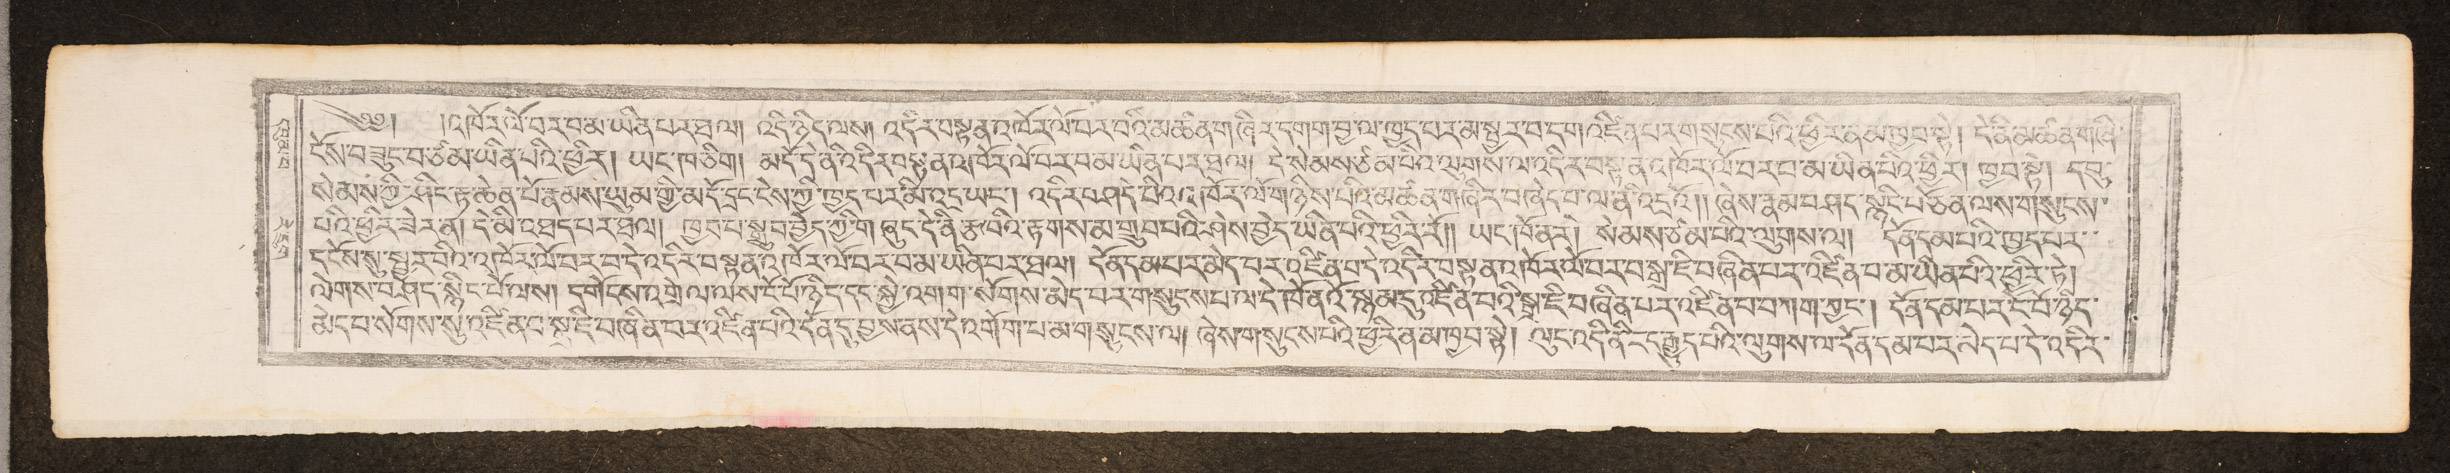༄༅། །འཁོར་ལོ་བར་བ་མ་ཡིན་པར་ཐལ། འདི་ཉིད་ལས། འདིར་བསྟན་འཁོར་ལོ་བར་བའི་མཚན་གཞིར་དགག་བྱ་བ་ལ་ཁྱད་པར་མ་སྦྱར་བ་དག་འཛིན་པར་གསུངས་པའི་ཕྱིར་ནམ་ཁྱབ་སྟེ། དེ་ནི་མཚན་གཞི་
ངོས་བཟུང་བ་ཙམ་ཡིན་པའི་ཕྱིར། ཡང་ཁ་ཅིག། མདོ་དེ་ནི་འདིར་བསྟན་འཁོར་ལོ་བར་བ་མ་ཡིན་པར་ཐལ། དེ་སེམས་ཙམ་པའི་ལུགས་ལ་འདིར་བསྟན་འཁོར་ལོ་བར་པ་མ་ཡིན་པའི་ཕྱིར། ཁྱབ་སྟེ། དབུ་
སེམས་ཀྱི་ཤིང་རྟ་ཆེན་པོ་རྣམས་ཡུམ་གྱི་མདོ་དྲང་ངེས་ཀྱི་ཁྱད་པར་མི་འདྲ་ཡང་། འདིར་བཤད་པའི་འཁོར་ལོ་གཉིས་པའི་མཚན་གཞིར་བཞེད་པ་ལ་ནི་འདྲའོ། །ཞེས་རྣམ་བཤད་སྙིང་པོ་ཅན་ལས་གསུངས་
པའི་ཕྱིར་ཟེར་ན། དེ་མི་འཐད་པར་ཐལ། ཁྱབ་པ་སྒྲུབ་བྱེད་ཀྱི་གཞུང་དེ་ནི་རྩ་བའི་རྟགས་མ་གྲུབ་པའི་ཤེས་བྱེད་ཡིན་པའི་ཕྱིར་རོ། །ཡང་ཁོ་ན་རེ། །སེམས་ཙམ་པའི་ལུགས་ལ། དོན་དམ་པའི་ཁྱད་པར་
དངོས་སུ་སྦྱར་པའི་འཁོར་ལོ་བར་བ་དེ་འདིར་བསྟན་འཁོར་ལོ་བར་བ་མ་ཡིན་པར་ཐལ། །དོན་དམ་པར་མེད་པར་འཛིན་པ་དེ་འདིར་བསྟན་འཁོར་ལོ་བར་བ་སྒྲ་ཇི་བཞིན་པར་འཛིན་པ་མ་ཡིན་པའི་ཕྱིར་ཏེ།
ལེགས་བཤད་སྙིང་པོ་ལས། དགོངས་འགྲེལ་ལས་ངོ་བོ་ཉིད་དང་སྐྱེ་འགག་སོགས་མེད་པར་གསུངས་པ་ལ་དེ་ཁོ་ནའོ་སྙམ་དུ་འཛིན་པའི་སྒྲ་ཇི་བཞིན་པར་འཛིན་པ་བཀག་ཀྱང་། དོན་དམ་པར་ངོ་བོ་ཉིད་
མེད་པ་སོགས་སུ་འཛིན་པ་སྒྲ་ཇི་བཞིན་པར་འཛིན་པའི་དོན་དུ་བྱས་ནས་དེ་འགོག་པ་མ་གསུངས་ལ། ཞེས་གསུངས་པའི་ཕྱིར་ན་མ་ཁྱབ་སྟེ། ལུང་འདི་ནི་རང་རྒྱུད་པའི་ལུགས་ལ་དོན་དམ་པར་མེད་པ་དེ་འདིར་